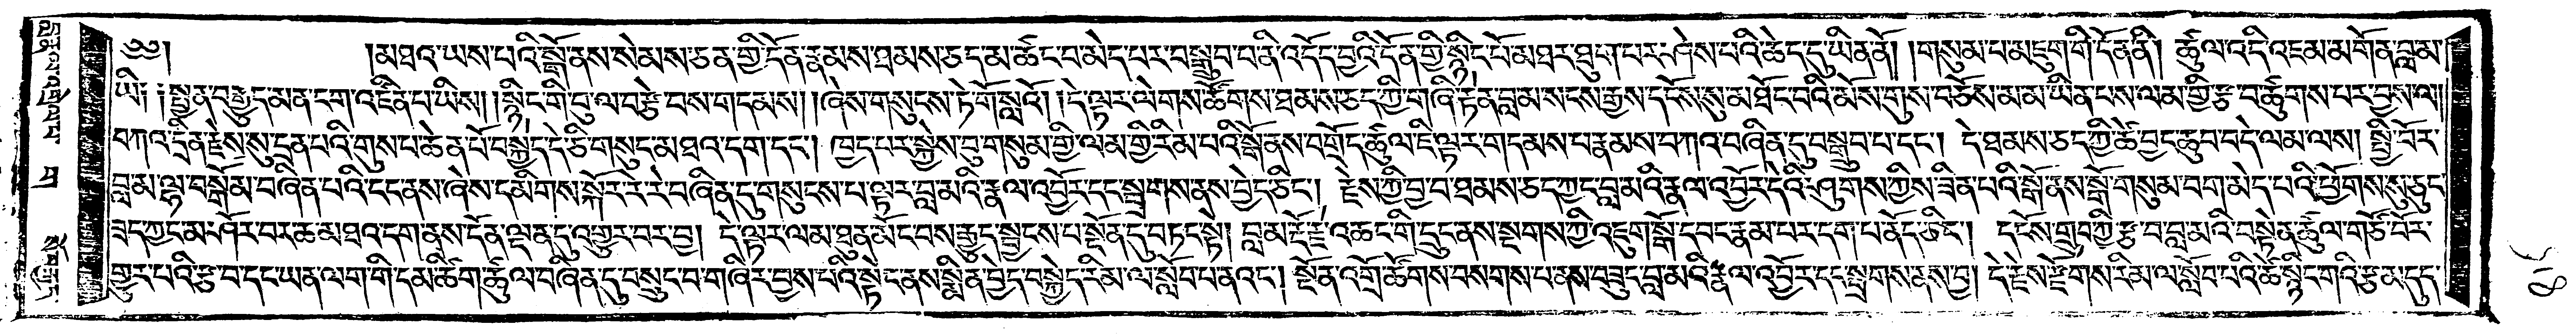༄༅། །མཐའ་ཡས་པའི་སྒོ་ནས་སེམས་ཅན་གྱི་དོན་རྣམས་ཐམས་ཅད་མ་ཚང་བ་མེད་པར་བསྒྲུབ་པ་ནི་འདོད་བྱའི་དོན་གྱི་སྙིང་པོ་མཐར་ཐུག་པར་ཤེས་པའི་ཆེད་དུ་ཡིན་ནོ། །གསུམ་པ་མཇུག་གི་དོན་ནི། ཚུལ་འདི་འཇམ་མགོན་བླ་མ་
ཡི༑ ༑སྤྱན་བརྒྱུད་མན་ངག་འཛིན་པ་ཡིས། །སྙིང་གི་བུ་ལ་བརྩེ་བས་གདམས། །ཞེས་གསུངས་ཏེ་གོ་སླའོ། །དེ་ལྟར་ལེགས་ཚོགས་ཐམས་ཅད་ཀྱི་གཞི་རྟེན་བླ་མ་སངས་རྒྱས་དངོས་སུ་མཐོང་བའི་མོས་གུས་བཅོས་མ་མ་ཡིན་པས་ལམ་གྱི་རྩ་བ་ཚུགས་པར་བྱས་ལ་
བཀའ་དྲིན་རྗེས་སུ་དྲན་པའི་གུས་པ་ཆེན་པོ་བསྐྱེད་དེ་ཅི་གསུང་མཐའ་དག་དང་། ཁྱད་པར་སྐྱེས་བུ་གསུམ་གྱི་ལམ་གྱི་རིམ་པའི་སྒོ་ནས་བགྲོད་ཚུལ་ཇི་ལྟར་གདམས་པ་རྣམས་བཀའ་བཞིན་དུ་བསྒྲུབ་པ་དང་། དེ་ཐམས་ཅད་ཀྱི་ཚེ་བྱང་ཆུབ་བདེ་ལམ་ལས། སྤྱི་བོར་
བླ་མ་ལྷ་བསྒོམ་བཞིན་པའི་ངང་ནས་ཞེས་དམིགས་སྐོར་རེ་རེ་བཞིན་དུ་གསུངས་པ་ལྟར་བླ་མའི་རྣལ་འབྱོར་དང་སྦྲག་ནས་བྱེད་ཅིང་། རྗེས་ཀྱི་བྱ་བ་ཐམས་ཅད་ཀྱང་བླ་མའི་རྣལ་འབྱོར་དེའི་ཤུགས་ཀྱིས་ཟིན་པའི་སྒོ་ནས་སྒོ་གསུམ་བག་མེད་པའི་ཕྱོགས་སུ་ཅུང་
ཟད་ཀྱང་མ་ཤེར་བར་ཆ་མཐའ་དག་ནས་དོན་ལྡན་དུ་འགྱུར་བར་བྱ། དེ་ལྟར་ལམ་ཐུན་མོང་བས་རྒྱུད་སྦྱངས་པ་སྔོན་དུ་བཏང་སྟེ། བླ་མ་རྡོ་རྗེ་འཆང་གི་དྲུང་ནས་སྔགས་ཀྱི་འཇུག་སྒོ་དབང་རྣམ་པར་དག་པ་ནོད་ཅིང་། དངོས་གྲུབ་ཀྱི་རྩ་བ་བླ་མའི་བསྟེན་ཚུལ་གཙོ་བོར་
གྱུར་པའི་རྩ་བ་དང་ཡན་ལག་གི་དམ་ཚིག་ཚུལ་བཞིན་དུ་བསྲུང་བ་གཞིར་བྱས་པའི་སྟེང་ནས་སྨིན་བྱེད་བསྐྱེད་རིམ་ལ་སློབ་པ་ནའང་། སྔོན་འགྲོ་ཚོགས་བསགས་པ་ནས་བཟུང་བླ་མའི་རྣལ་འབྱོར་དང་སྦྲགས་ནས་བྱ། དེ་རྗེས་རྫོགས་རིམ་ལ་སློབ་པའི་ཚེ་སྙིང་གའི་རྩ་མདུད་